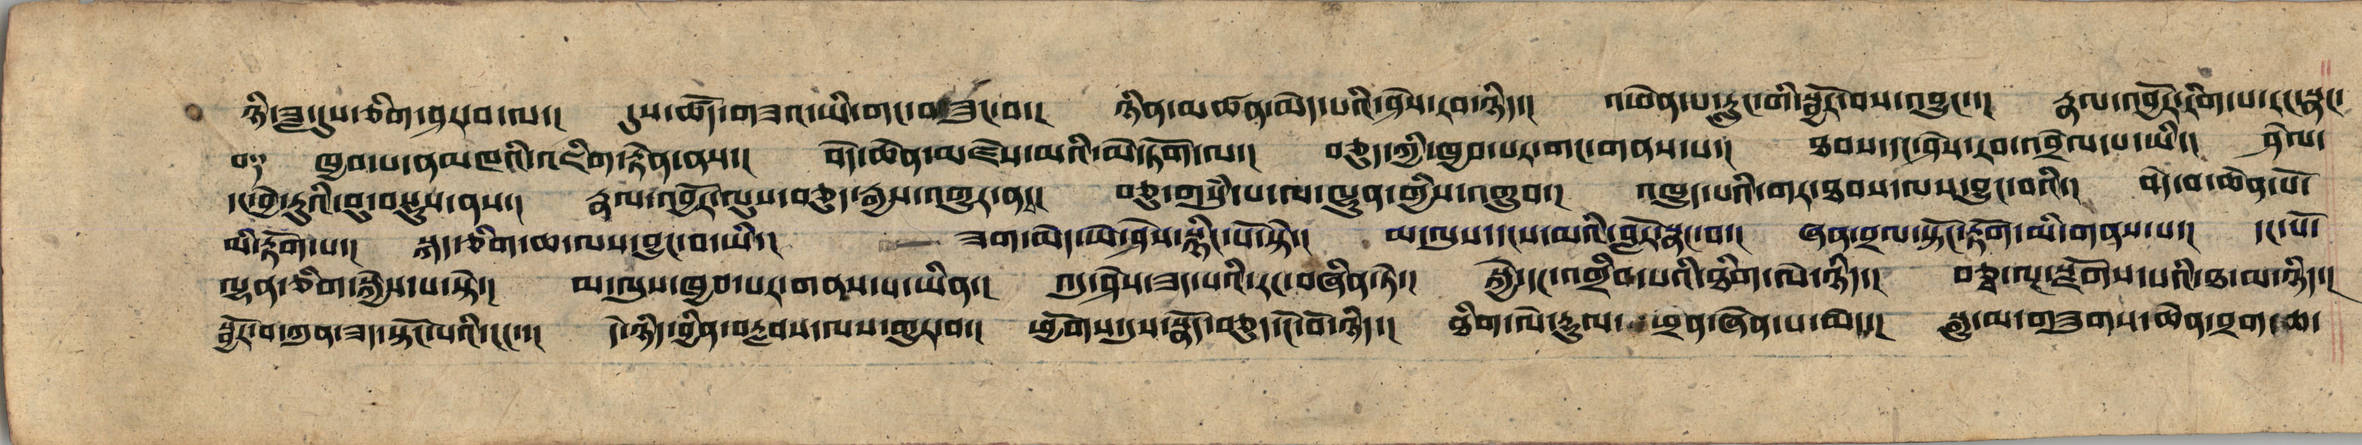ཉི་ཟླ་དུས་གཅིག་ཤར་བ་ལ་། དུས་ཚོད་གཟའ་ཡི་གང་བཟུང་བ་། ཉིན་མཚན་མེད་པའི་ཤེས་རབ་ཉིད་། འཕེན་པ་རླུང་གི་སྦྱོར་བས་འབྱུང་་། རྣལ་འབྱོར་རིག་པ་རང་སྣང་
པ༑ ཁྱབ་པ་ནམཁའི་འཇིག་རྟེན་ནས་། བདེ་ཆེན་མཛེས་མའི་མེ་ཏོག་ལ་། བཅུད་ཀྱི་ཁྱབ་པར་གང་གནས་པ་། ཐབས་དང་ཤེས་རབ་འབྲེལ་པ་ཡི་། ཤེལ་
དང་བྱེ་རུའི་བུ་བསྡུས་ནས་། རྣལ་འབྱོར་ལུས་བཅུད་རྒྱས་འགྱུར་ན་། བཅུ་གསུཾ་པ་ལ་ལྷུན་གྱིས་འགྲུབ་། འཁྱུད་པའི་གར་ཐབས་ལས་བྱུང་བའི་། བདེ་བ་ཆེན་པོ་
མི་རྟོག་པ་། སྐད་ཅིག་ཆ་ལས་བྱུང་བ་ཡི་། ཟག་མེད་ཡེ་ཤེས་སྙིང་པོ་སྟེ་། མ་ལུས་དངས་མའི་བློར་སྣང་བ་། ཞན་བྲལ་སྟོང་རྟོག་མི་གནས་པ་། དང་པོ་
ལྷན་ཅིག་སྐྱེས་པ་སྟེ་། མ་ལུས་ཁྱབ་པར་གནས་པ་ཡིན་། འདུ་ཤེས་ཟད་པའི་རང་བཞིན་ཏེ་། སྐྱེ་དང་འགྲིབ་པའི་ཐིག་ལེ་ཉིད་། བཅྭ་ལྔ་སྫོགས་པའི་ཐ་མ་ཉིད་།
སྦྱོར་བ་ཀུན་ཟད་སྟོང་པའི་ངང་་། དེ་ཉིད་བྱིན་བརླབས་ལས་གྱུར་བ་། ཕྱོགས་དུས་སྣོད་བཅུད་ངོ་བོ་ཉིད་། ཐིག་ལེ་རྡུལ་ ཕྲན་ཞེན་པ་མེད་། སྒྱུ་མ་གཟུགས་ཆེན་བྲག་ཆ་